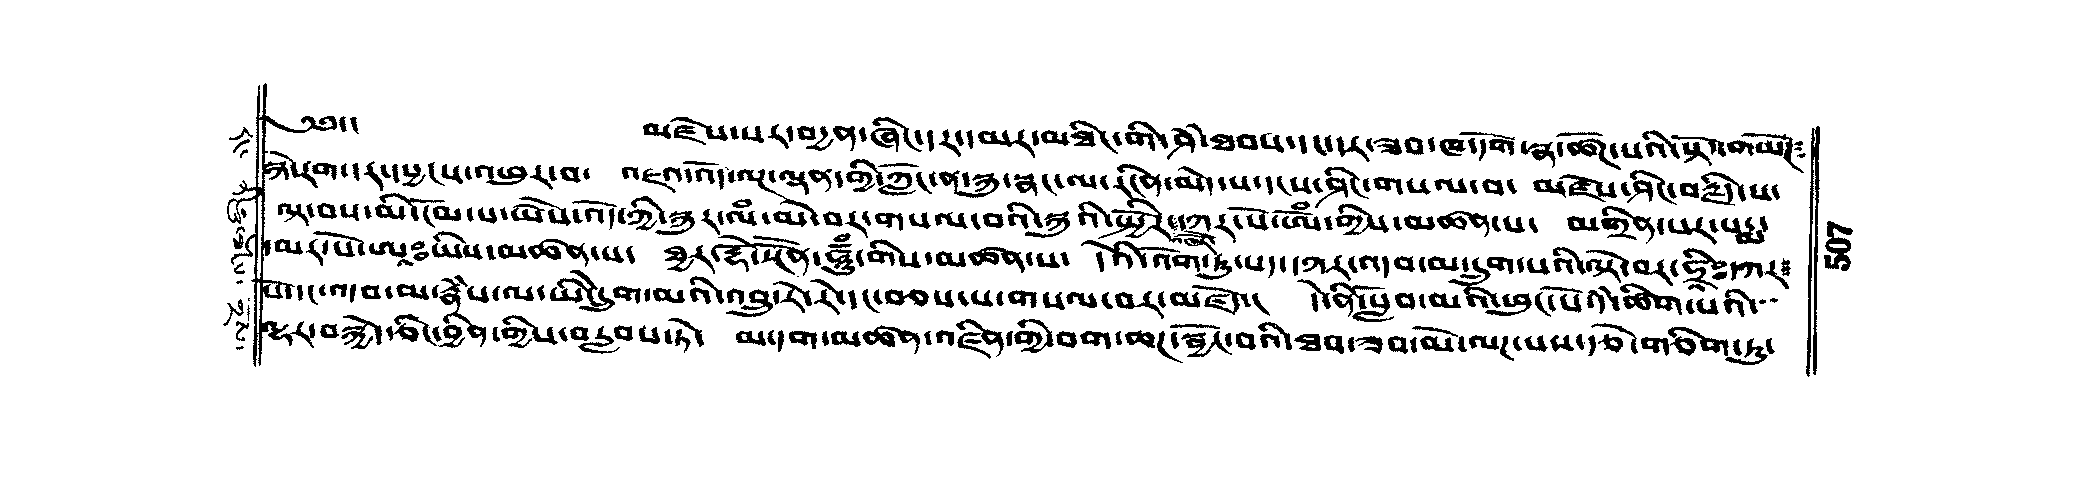མཛེས་པར་བརྒྱན་ཞིང་དར་དམར་མཐིང་གི་ཤམ་ཐབས་དང་དར་ཟབ་ཁ་དོག་སྣ་ཚོགས་པའི་སྟོད་གཡོགས་
སྐེ་རགས་དར་དཔྱངས་འཕུར་བ། འཇའ་འོད་ལྔ་ལྡན་གྱི་ཀློང་ན་སྐུ་སྣང་ལ་རང་བཞིན་མེད་པ་དྭངས་ཤིང་གསལ་བ། མཛེས་ཤིང་བརྗིད་པ་
བལྟ་བས་མི་ངོམས་པ་ཡེ་ཤེས་འོད་ཀྱི་སྐུར་ལམ་མེ་བར་གསལ་བའི་སྐུའི་སྤྱི་བོར་འཁོར་ལོ་དཀར་པོ་ཨོཾ་གིས་མཚན་པ། མགྲིན་པར་པདྨ་
དམར་པོ་ཨཱཿཡིས་མཚན་པ། ཐུགས་ཀར་རྡོ་རྗེ་སྔོན་པོ་ཧཱུྃ་གིས་མཚན་པ། དེའི་འོག་ཏུ་པད་དཀར་འདབ་མ་དྲུག་པའི་ལྟེ་བར་ཧྲཱིཿདཀར་
པོ་དང་འདབ་མ་རྣམས་ལ་ཡི་གེ་དྲུག་མའི་འབྲུ་རེ་རེ་དང་བཅས་པ་གསལ་བར་མཛོད། དེ་ནི་སློབ་མའི་ཕུང་པོ་དམ་ཚིག་པའི་
ལྷར་བསྐྱེད་ཅིང་བྱིན་གྱིས་བརླབ་སྟེ། མ་དག་མཚན་འཛིན་གྱི་བག་ཆགས་སྦྱོང་བའི་ཐབས་ཟབ་མོ་ལགས་པས་རྩེ་གཅིག་ཏུ་